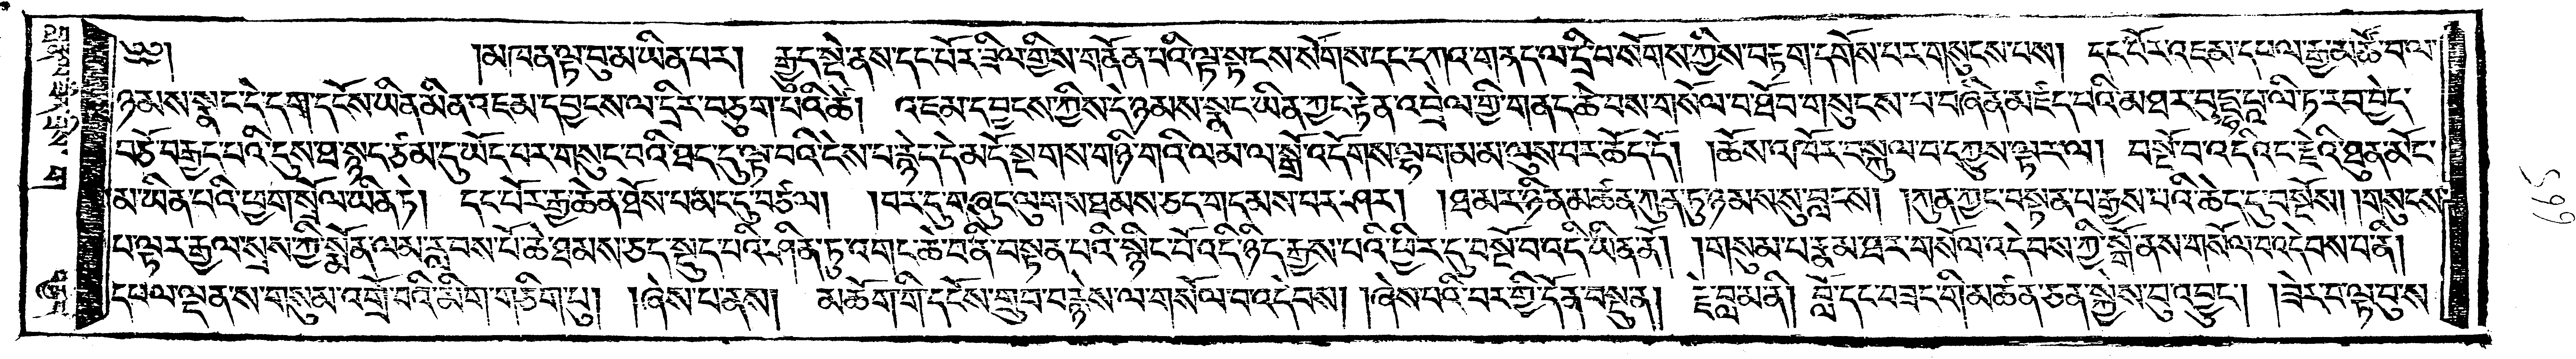༄༅། །མཁན་ལྟ་བུ་མ་ཡིན་པར། རྒྱུད་སྡེ་ནས་དང་པོར་ཟིལ་གྱིས་གནོན་པའི་ལྟ་སྟངས་སོགས་དང་དཀའ་གནད་ལ་དྲི་བ་སོགས་ཀྱིས་བརྟག་དགོས་པར་གསུངས་པས། དང་པོར་འཇམ་དཔལ་རྒྱ་མཚོ་བ་ལ་
ཉམས་སྣང་དེ་དག་དངོས་ཡིན་མིན་འཇམ་དབྱངས་ལ་དྲིར་བཅུག་པའི་ཚེ། འཇམ་དབྱངས་ཀྱིས་དེ་ཉམས་སྣང་ཡིན་ཀྱང་རྟེན་འབྲེལ་གྱི་གནད་ཆེ་བས་གསོལ་བ་ཐོབ་གསུངས་པ་བཞིན་མཛད་པའི་མཐང་བུདྡྷ་པཱ་ལི་ཏ་རབ་བྱེད་
བཅོ་བརྒྱད་པའི་དུས་ཐ་སྙད་ཙམ་དུ་ཡོད་པར་གསུང་བའི་ཐད་དུ་ལྟ་བའི་ངེས་བརྙེད་དེ་མདོ་སྔགས་གཉི་གའི་ལམ་ལ་སྒྲོ་འདོགས་ལྷག་མ་མ་ལུས་པར་ཆོད་དོ། །ཆོས་འཁོར་བསྐུལ་བ་དཀྱུས་ལྟར་ལ། བསྔོ་བ་འདིའང་རྗེའི་ཐུན་མོང་
མ་ཡིན་པའི་ཕྱག་སྲོལ་ཡིན་ཏེ། དང་པོར་རྒྱ་ཆེན་ཐོས་པ་མང་དུ་བཙལ། །བར་དུ་གཞུང་ལུགས་ཐམས་ཅད་གདམས་པར་ཤར། །ཐ་མར་ཉིན་མཚན་ཀུན་ཏུ་ཉམས་སུ་བླངས། །ཀུན་ཀྱང་བསྟན་པ་རྒྱས་པའི་ཆེད་དུ་བསྔོས། །གསུངས་
པ་ལྟར་རྒྱལ་སྲས་ཀྱི་སྨོན་ལམ་རླབས་པོ་ཆེ་ཐམས་ཅད་སྡུད་པའི་ཤིན་ཏུ་འགང་ཆེ་བ་ནི་བསྟན་པའི་སྙིང་པོ་འདི་ཉིད་རྒྱས་པའི་ཕྱིར་དུ་བསྔོ་བ་འདི་ཡིན་ནོ། །གསུམ་པ་རྣམ་ཐར་གསོལ་འདེབས་ཀྱི་སྒོ་ནས་གསོལ་བ་འདེབས་པ་ནི།
དཔལ་ལྡན་ས་གསུམ་འགྲོ་བའི་མིག་གཅིག་པུ། །ཞེས་པ་ནས། མཆོག་གི་དངོས་གྲུབ་བརྙེས་ལ་གསོལ་བ་འདེབས། །ཞེས་པའི་བར་གྱི་དོན་བསྡུན། རྗེ་བླ་མ་ནི། བློ་དང་བཟང་གི་མཚན་ཅན་སྐྱེས་བུ་འབྱུང་། །ཟེར་བལྟ་བུས་